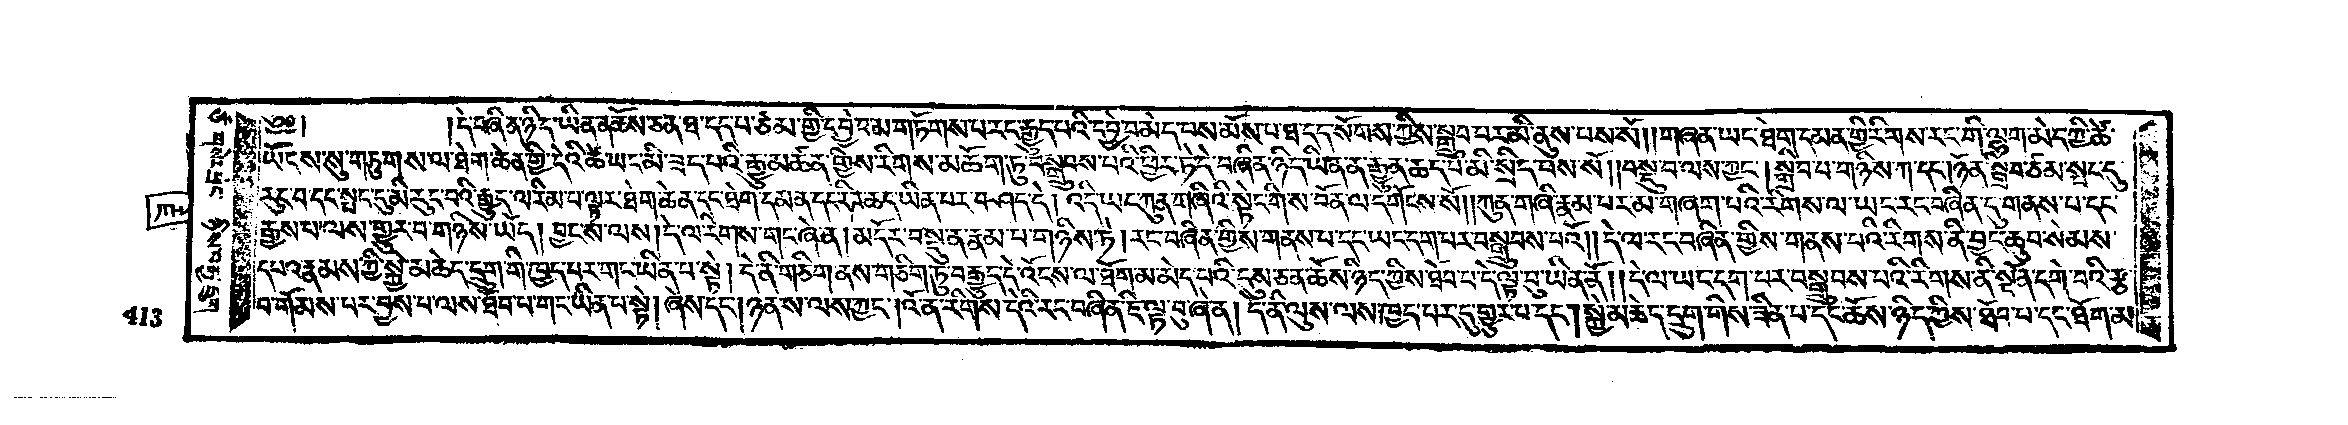༄༅། །དེ་བཞིན་ཉིད་ཡིན་ན་ཆོས་ཅན་ཐ་དད་པ་ཙམ་གྱི་དབྱེ་བ་མ་གཏོགས་པ་རང་རྒྱུད་པའི་དབྱེ་བ་མེད་པས་མོས་པ་ཐ་དད་སོགས་ཀྱིས་སྒྲུབ་པར་མི་ནུས་པས་སོ། །གཞན་ཡང་ཐེག་དམན་གྱི་རིགས་རང་གི་ལྷག་མེད་ཀྱི་ཚེ་
ཡོངས་སུ་གཏུགས་ལ་ཐེག་ཆེན་གྱི་དེའི་ཚེ་ཡང་མི་ཟད་པའི་རྒྱུ་མཚན་གྱིས་རིགས་མཆོག་ཏུ་བསྒྲུབས་པའི་ཕྱིར་ཏེ་དེ་བཞིན་ཉིད་ཡིན་ན་རྒྱུན་ཆད་པ་མི་སྲིད་པས་སོ། །བསྡུ་བ་ལས་ཀྱང་། སྒྲིབ་པ་གཉིས་ཀ་དང་། ཉོན་སྒྲིབ་ཙམ་སྤང་དུ་
རུང་བ་དང་སྤང་དུ་མི་རུང་བའི་རྒྱུད་ལ་རིམ་པ་ལྟར་ཐེག་ཆེན་དང་ཐེག་དམན་དང་རིགས་ཆད་ཡིན་པར་བཤད་དེ། འདི་ཡང་ཀུན་གཞིའི་སྟེང་གི་ས་བོན་ལ་དགོངས་སོ། །ཀུན་གཞི་རྣམ་པར་མ་གཞག་པའི་རིགས་ལ་ཡང་རང་བཞིན་དུ་གནས་པ་དང་
རྒྱས་པ་ལས་གྱུར་བ་གཉིས་ཡོད། བྱང་ས་ལས། དེ་ལ་རིགས་གང་ཞེ་ན། མདོར་བསྡུ་ན་རྣམ་པ་གཉིས་ཏེ། རང་བཞིན་གྱིས་གནས་པ་དང་ཡང་དག་པར་བསྒྲུབས་པའོ། །དེ་ལ་རང་བཞིན་གྱིས་གནས་པའི་རིགས་ནི་བྱང་ཆུབ་སེམས་
དཔའ་རྣམས་ཀྱི་སྐྱེ་མཆེད་དྲུག་གི་ཁྱད་པར་གང་ཡིན་པ་སྟེ། དེ་ནི་གཅིག་ནས་གཅིག་ཏུ་བརྒྱུད་དེ་འོངས་ལ་ཐོག་མ་མེད་པའི་དུས་ཅན་ཆོས་ཉིད་ཀྱིས་ཐོབ་པ་དེ་ལྟ་བུ་ཡིན་ནོ། །དེ་ལ་ཡང་དག་པར་བསྒྲུབས་པའི་རིགས་ནི་སྔོན་དགེ་བའི་རྩ་
བ་གོམས་པར་བྱས་པ་ལས་ཐོབ་པ་གང་ཡིན་པ་སྟེ། ཞེས་དང་། ཉན་ས་ལས་ཀྱང་། འོ་ན་རིགས་དེའི་རང་བཞིན་ཇི་ལྟ་བུ་ཞེ་ན། དེ་ནི་ལུས་ལས་ཁྱད་པར་དུ་གྱུར་པ་དང་། སྐྱེ་མཆེད་དྲུག་གིས་ཟིན་པ་དང་ཆོས་ཉིད་ཀྱིས་ཐོབ་པ་དང་ཐོག་མ་